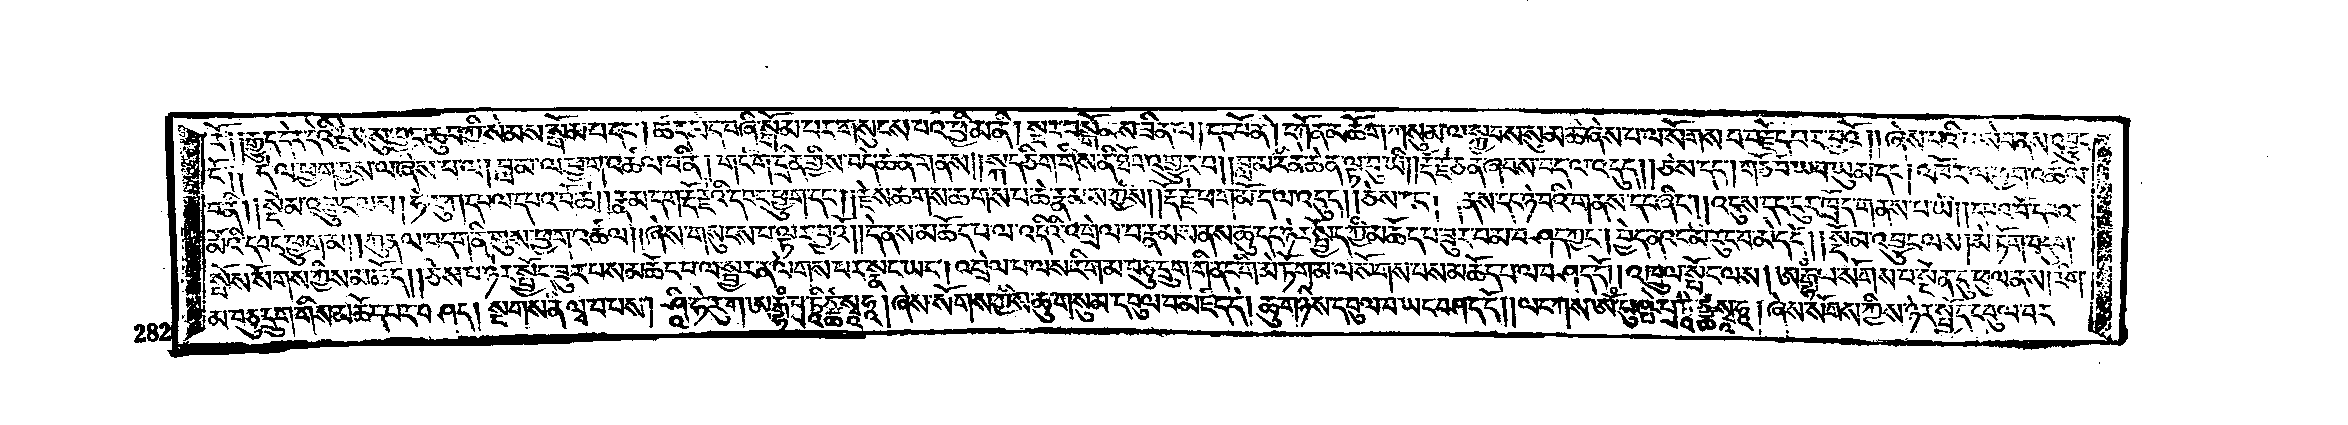རོ། །རྒྱུད་དེར་དེའི་རྗེས་སུ་བྱང་ཆུབ་ཀྱི་སེམས་སྒོམ་པ་དང་། ཚད་མེད་བཞི་སྒོམ་པར་གསུངས་པའི་ཕྱི་མ་ནི། སྔར་བསྒོམས་ཟིན་ལ། དང་པོ་ནི། དཀོན་མཆོག་གསུམ་ལ་སྐྱབས་སུ་མཆི་ཞེས་པ་ལ་སོགས་པ་བརྗོད་པར་བྱའོ། །ཞེས་པའི་གསེབ་ནས་འབྱུང་
ངོ། །དེ་ལ་ཕྱག་བྱས་ལ་ཞེས་པ་ལ། བླ་མ་ལ་ཕྱག་འཚལ་བ་ནི། གང་གི་དྲིན་གྱིས་བདེ་ཆེན་གནས། །སྐད་ཅིག་གིས་ནི་ཐོབ་འགྱུར་བ། །བླ་མ་རིན་ཆེན་ལྟ་བུ་ཡི། །རྡོ་རྗེ་ཅན་ཞབས་པད་ལ་འདུད། །ཅེས་དང་། གཙོ་བོ་ཡབ་ཡུམ་དང་། འཁོར་ལ་ཕྱག་འཚལ་
བ་ནི། །སྡོམ་འབྱུང་ལས། ཧེ་རུ་ཀ་དཔལ་དཔའ་བོ་ཆེ། །རྣམ་དག་རྡོ་རྗེའི་དབང་ཕྱུག་དང་། །རྗེས་ཆགས་ཆགས་པ་ཆེ་རྣམས་ཀྱིས། །རྡོ་རྗེ་ཕག་མོ་དེ་ལ་འདུད། །ཅེས་དང་། །ནས་དང་ཉེ་བའི་གནས་དང་ཞིང་། །འདུས་དང་དུར་ཁྲོད་གནས་པ་ཡི། །དཔའ་བོ་དཔའ་
མོའི་དབང་ཕྱུག་མ། །ཀུན་ལ་བདག་ནི་གུས་ཕྱག་འཚལ། །ཞེས་གསུངས་པ་ལྟར་བྱའོ། །དེ་ནས་མཆོད་པ་ལ་འདིའི་འགྲེལ་པ་རྣམས་ནས་ཆུ་དང་ཉེར་སྤྱོད་ཀྱི་མཆོད་པ་ཟུར་པ་མ་བཤད་ཀྱང་། བྱེད་ནའང་མི་རུང་བ་མེད་དོ། །སྡོམ་འབྱུང་ལས། མེ་ཏོག་བདུག་
སྤོས་སོགས་ཀྱིས་མཆོད། །ཅེས་པ་ཉེར་སྤྱོད་ཟུར་པས་མཆོད་པ་ལ་སྦྱར་ན་ལེགས་པར་སྣང་ཡང་། འགྲེལ་པ་ལས་རིག་མ་བཅུ་དྲུག་གི་ནང་གི་མེ་ཏོག་མ་ལ་སོགས་པས་མཆོད་པ་ལ་བཤད་དོ། །འཁྲུལ་སྤོང་ལས། ཨརྒྷཾ་ལ་སོགས་པ་སྔོན་དུ་ཕུལ་ནས། རིག་
མ་བཅུ་དྲུག་གིས་མཆོད་པར་བཤད། སྔགས་ནི་ལྭ་བ་པས། ཤཱི་ཧེ་རུ་ཀ་ཨརྒྷཾ་པྲ་ཏཱི་ཙྪ་སྭཱ་ཧཱ། ཞེས་སོགས་ཀྱིས་ཆུ་གསུམ་དབུལ་བ་མཛད་དེ། ཆུ་གཉིས་དབུལ་བ་ཡང་བཤད་དོ། །ལང་ཀས་ཨོཾ་པུཥྤེ་པྲ་ཏཱི་ཙྪ་སྭཱ་ཧཱ། ཞེས་སོགས་ཀྱིས་ཉེར་སྤྱོད་དབུལ་བར་